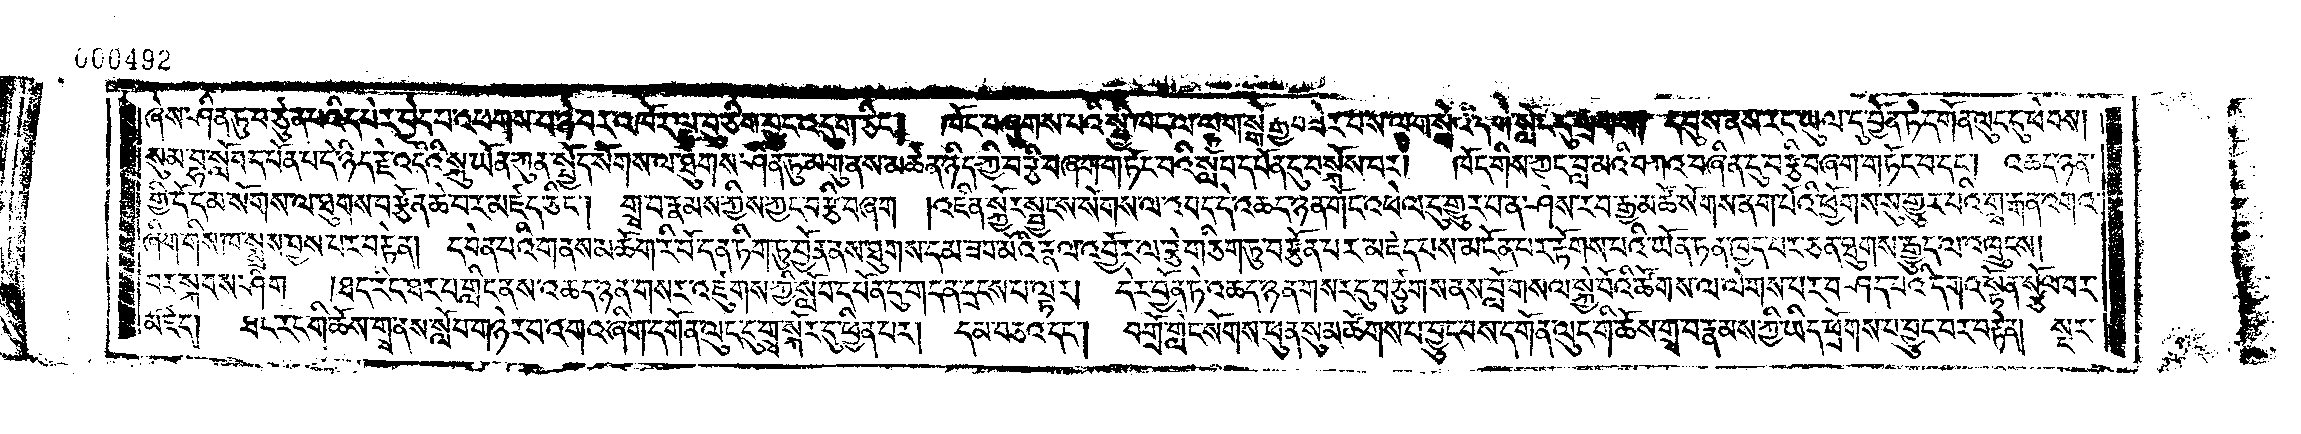ཞེས་ཤིན་ཏུ་བཙུན་པའི་དཔེར་བྱེད་པ་འཕགས་པ་ཉེ་བར་འཁོར་ལྟ་བུ་ཅིག་བྱུང་འདུག་ཅིང་། ཁོང་བཞུགས་པའི་སྤྱི་ཁང་ལ་ལྷག་སྒོ་རྒྱབ་ཟེར་བས་ལྟག་སྒོའི་དགེ་སློང་དུ་གྲགས། དབུས་ནས་རང་ཡུལ་དུ་བྱོན་ཏེ་དགོན་ལུང་དུ་ཕེབས།
སུམ་བྷ་སློབ་དཔོན་པ་དེ་ཉིད་རྗེ་འདིའི་སྐུ་ཡོན་ཀུན་སྤྱོད་སོགས་ལ་ཐུགས་ཤིན་ཏུ་མགུ་ནས་མཚན་ཉིད་ཀྱི་བརྩི་བཞག་གཏོང་བའི་སློབ་དཔོན་དུ་བསྐོས་བར། ཁོང་གིས་ཀྱང་བླ་མའི་བཀའ་བཞིན་དུ་བརྩི་བཞག་གཏོང་བ་དང་། འཆད་ཉན་
གྱི་དོ་དམ་སོགས་ལ་ཐུགས་བརྩོན་ཆེ་བར་མཛད་ཅིང་། གྲྭ་བ་རྣམས་ཀྱིས་ཀྱང་བརྩི་བཞག །འཛིན་སྐྱོར་སྦྱངས་སོགས་ལ་འབད་དེ་འཆད་ཉན་གོང་འཕེལ་དུ་གྱུར་པ་ན་ཤེས་རབ་རྒྱ་མཚོ་སོགས་ནག་པོའི་ཕྱོགས་སུ་གྱུར་པའི་གྲྭ་རྒན་འགའ་
ཞིག་གིས་ཁ་སྨྲས་བྱས་པར་བརྟེན། དབེན་པའི་གནས་མཆོག་རི་བོ་དན་ཏིག་ཏུ་བྱོན་ནས་ཐུགས་དམ་ཟབ་མོའི་རྣལ་འབྱོར་ལ་རྩེ་གཅིག་ཏུ་བརྩོན་པར་མཛད་པས་མངོན་པར་རྟོགས་པའི་ཡོན་ཏན་ཁྱད་པར་ཅན་ཐུགས་རྒྱུད་ལ་འཁྲུངས།
བར་སྐབས་ཤིག །ཐད་རིང་ཐར་པ་གླིང་ནས་འཆད་ཉན་གསར་འཛུགས་ཀྱི་སློབ་དཔོན་དུ་གདན་དྲངས་པ་ལྟར། དེར་བྱོན་ཏེ་འཆད་ཉན་གསར་དུ་བཙུགས་ནས་བློ་གསལ་སྐྱེ་བོའི་ཚོགས་ལ་ལེགས་པར་བཤད་པའི་དགའ་སྟོན་སྩོལ་བར་
མཛད། ཐང་རིང་གི་ཆོས་གྲྭ་ནས་སློབ་གཉེར་བ་འགའ་ཞིག་དགོན་ལུང་དུ་གྲྭ་སྐོར་དུ་ཕྱིན་པར། དམ་བཅའ་དང་། བགྲོ་གླེང་སོགས་ཕུན་སུམ་ཚོགས་པ་བྱུང་བས་དགོན་ལུང་གི་ཆོས་གྲྭ་བ་རྣམས་ཀྱི་ཡིད་ཕྲོགས་པ་བྱུང་བར་བརྟེན། སྔར་